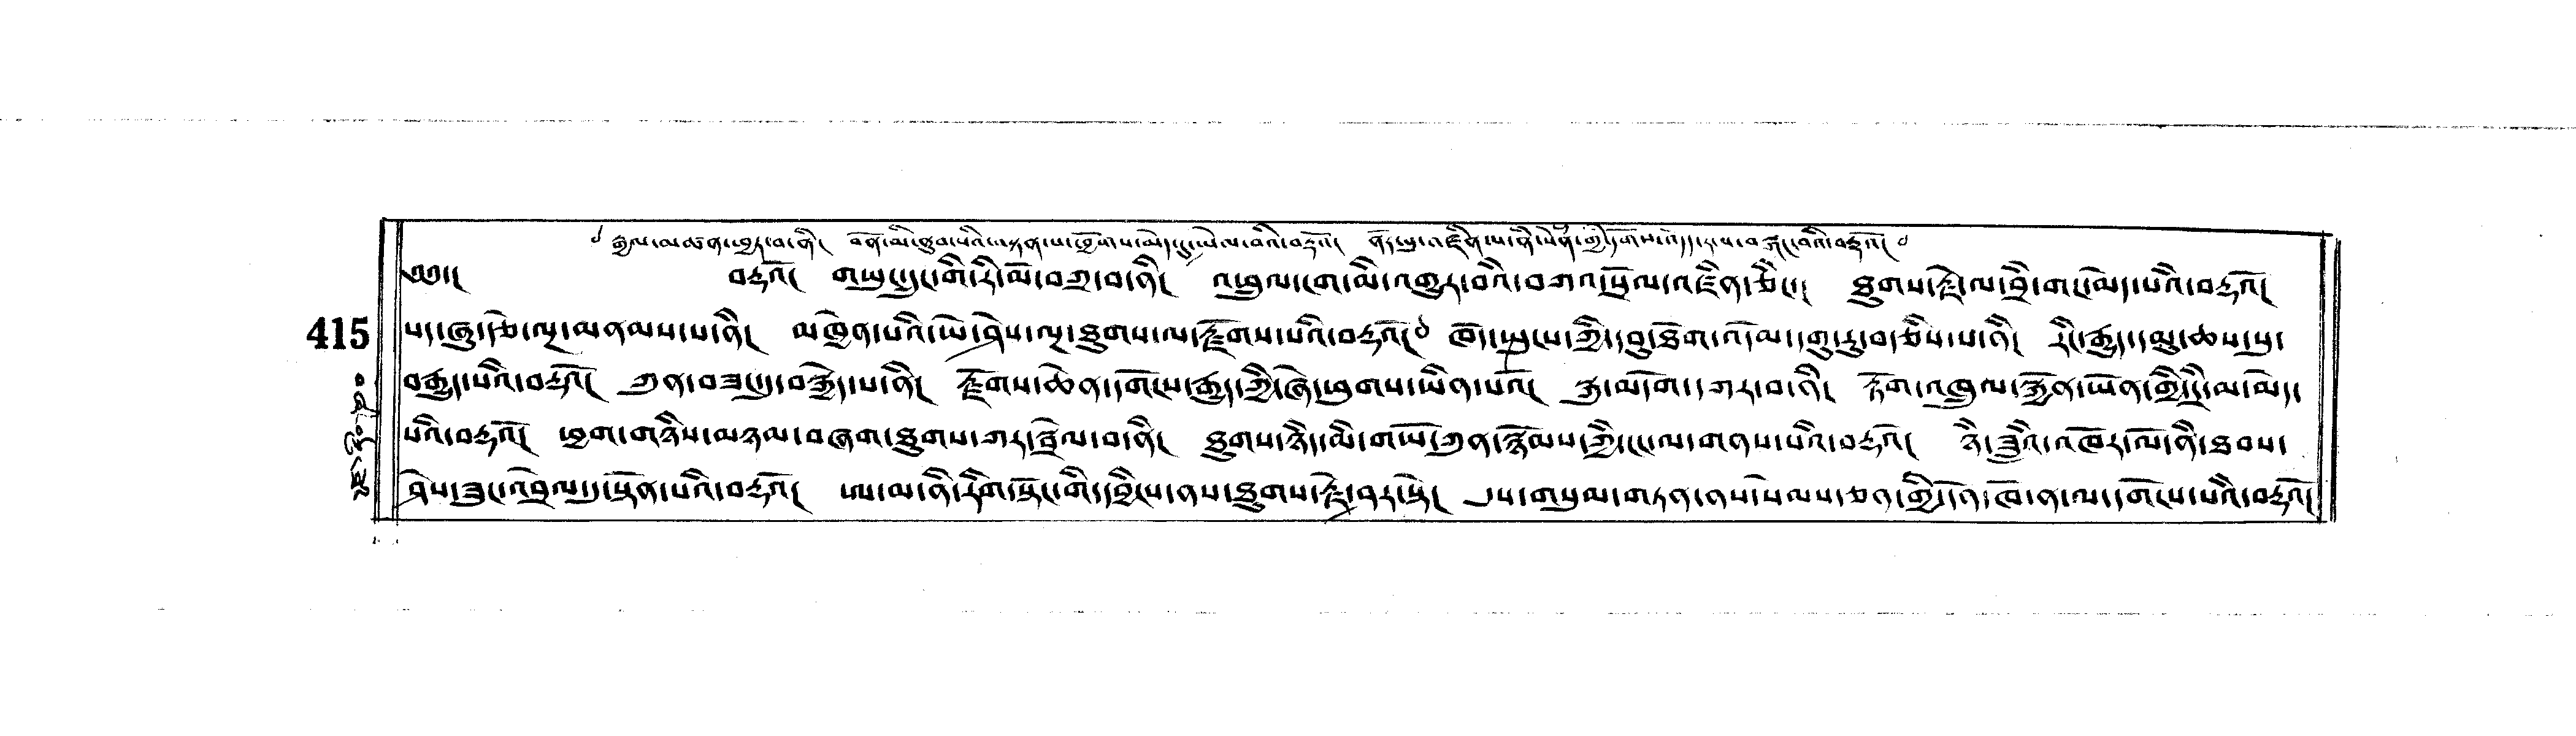བརྡའོ། གཡུང་དྲུང་གི་རི་མོ་བཀྲ་བ་ནི། འཕྲུལ་ངག་མི་འགྱུར་བའི་བཀའ་སྲོལ་འཛིན་ཅིང་། ཐུགས་རྗེ་ལ་བྲི་གང་མེད་པའི་བརྡའོ། པད་ཞུ་རྩེ་ལྔ་བསྣམས་པ་ནི། མཁྱེན་པའི་ཡེ་ཤེས་ལྔ་ཐུགས་ལ་རྫོགས་པའི་བརྡའོ། 
རྒྱལ་མཚན་ཕྱར་བ་ནི། བོན་མི་ནུབ་པའི་བསྟན་པ་ཕྱོགས་མེད་དུ་སྤེལ་བའི་བརྡའོ། ནོར་བུ་འཛིན་པ་ནི། སེམས་ཅན་གྱི་དགོས་འདོད་རེ་བ་བསྐང་བའི་བརྡའོ། ཁོད་སྤུངས་ཀྱི་དབུ་ཐོག་འདོམ་དགུ་རུ་བརྩིས་པ་ནི། རིང་རྒྱུད་དམུ་ཆས་སུ་
བརྒྱུད་པའི་བརྡའོ། ཀུན་བཟང་དུ་བསྐྱེད་པ་ནི། རྫོགས་ཆེན་དགོངས་རྒྱུད་ཀྱི་ཞེ་ཕུག་ཡིན་པའོ། སྐུ་མདོག་དཀར་བ་ནི། རྟོག་འཁྲུལ་སྐྱོན་ཡོིན་གྱི་དྲི་མ་མེད་
པའི་བརྡའོ། ཕྱག་གཉིས་མཉམ་གཞག་ཐུགས་ཀར་སྦྲེལ་བ་ནི། ཐུགས་ཉིད་མི་གཡོ་ཀུན་སྙོམས་ཀྱི་ངང་ལ་གནས་པའི་བརྡའོ། ཉི་ཟླའི་འཁོར་ལོ་ནི་ཐབས་
ཤེས་ཟུང་འབྲེལ་དུ་སྟོན་པའི་བརྡའོ། ཨ་མ་ནི་རིག་སྟོང་གི་དབྱིངས་ནས་ཐུགས་རྗེ་ཤར་སྟེ། དུས་གསུམ་གཏན་ནས་སེམས་ཅན་གྱི་དོན་ཁོ་ན་ལ་དགོངས་པའི་བརྡའོ།